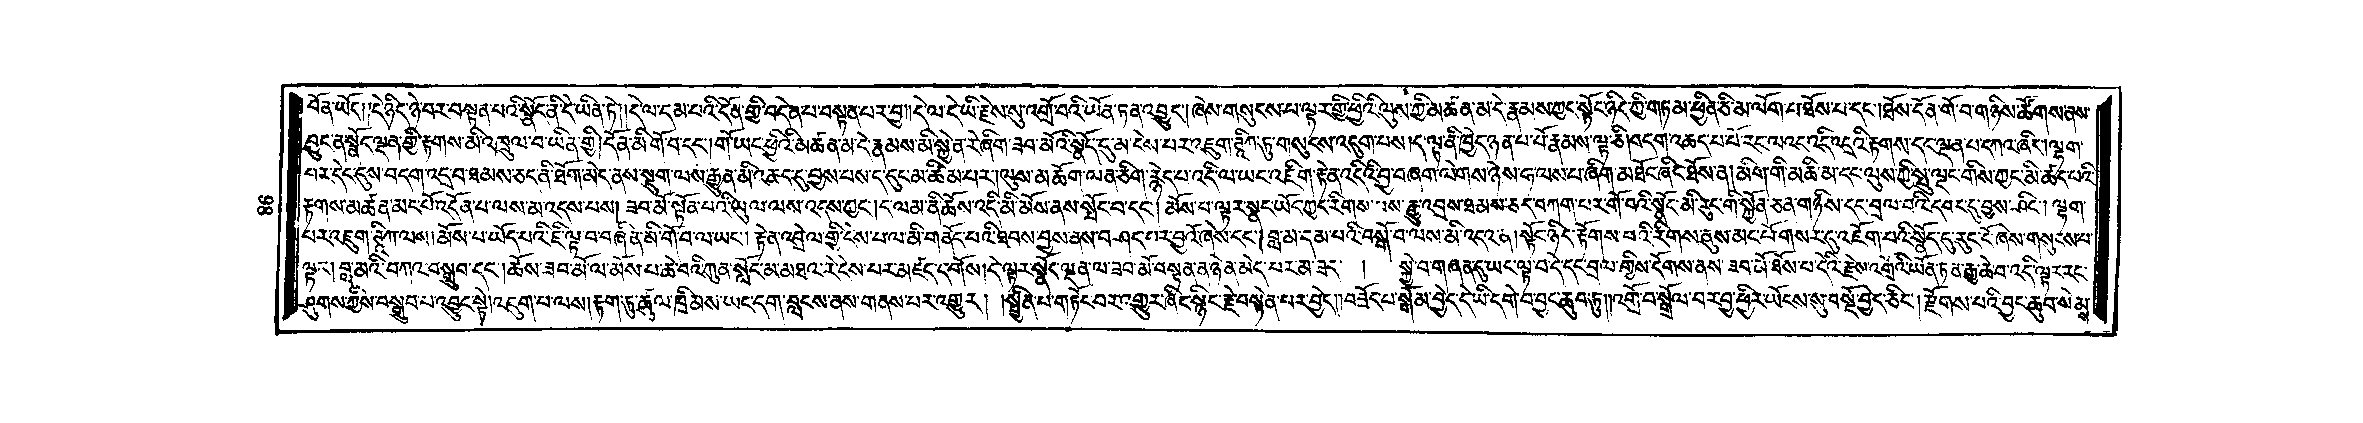བོན་ཡོད། །དེ་ཉིད་ཉེ་བར་བསྟན་པའི་སྣོད་ནི་དེ་ཡིན་ཏེ། །དེ་ལ་དམ་པའི་དོན་གྱི་བདེན་པ་བསྟན་པར་བྱ། །དེ་ལ་དེ་ཡི་རྗེས་སུ་འགྲོ་བའི་ཡོན་ཏན་འབྱུང་། ཞེས་གསུངས་པ་ལྟར་གྱི་ཕྱིའི་ལུས་ཀྱི་མཚན་མ་དེ་རྣམས་ཀྱང་སྟོང་ཉིད་ཀྱི་གཏམ་ཕྱིན་ཅི་མ་ལོག་པ་ཐོས་པ་དང་། ཐོས་དོན་གོ་བ་གཉིས་ཚོགས་ནས་
བྱུང་ན་སྣོད་ལྡན་གྱི་རྟགས་མི་འཁྲུལ་བ་ཡིན་གྱི། དོན་མི་གོ་བ་དང་། གོ་ཡང་ཕྱིའི་མཚན་མ་དེ་རྣམས་མི་སྐྱེ་ན་རེ་ཞིག་ཟབ་མོའི་སྣོད་དུ་མ་ངེས་པར་འཇུག་ཊཱིཀ་ཏུ་གསུངས་འདུག་པས། ད་ལྟ་ནི་ཁྱེད་ཉན་པ་པོ་རྣམས་ལྟ་ཅི། བདག་འཆད་པ་པོ་རང་ལའང་འདི་འདྲའི་རྟགས་དང་ལྡན་པ་དཀའ་ཞིང་། ལྷག་
པར་དེང་དུས་བདག་འདྲ་བ་ཐམས་ཅད་ནི་ཐོག་མེད་ནས་སྡུག་ལས་རྒྱུན་མི་འཆད་དུ་བྱས་པས་ད་དུང་མ་ཚིམ་པར། ལུས་མཆོག་ལན་ཅིག་རྙེད་པ་འདི་ལ་ཡང་འཇིག་རྟེན་འདིའི་བྱ་བཞག་ལེགས་ཉེས་ཧ་ལས་པ་ཞིག་མཐོང་ཞིང་ཐོས་ན། མིག་གི་མཆི་མ་དང་ལུས་ཀྱི་སྤུ་ལྡང་གིས་ཀྱང་མི་ཚད་པའི་
རྟགས་མཚན་མང་པོ་འདོན་པ་ལས་མ་འདས་པས། ཟབ་མོ་སྟོན་པའི་ཡུལ་ལས་འདས་ཀྱང་། ད་ལམ་ནི་ཆོས་འདི་མི་མོས་ནས་སྤོང་བ་དང་། མོས་པ་ལྟར་སྣང་ཡོད་ཀྱང་རིགས་པས་རྒྱུ་འབྲས་ཐམས་ཅད་བཀག་པར་གོ་བའི་སྣོང་མི་རུང་གི་སྐྱོན་ཅན་གཉིས་དང་བྲལ་བའི་དབང་དུ་བྱས་ཤིང་། ལྷག་
པར་འཇུག་ཊཱིཀ་ལས། མོས་པ་ཡོད་པའི་ཇི་ལྟ་བ་བཞིན་མི་གོ་བ་ལ་ཡང་། རྟེན་འབྲེལ་གྱི་ངེས་པ་ལ་མི་གནོད་པའི་ཐབས་བྱས་ནས་བཤད་པར་བྱའོ་ཞེས་དང་། བླ་མ་དམ་པའི་བསྒོ་བ་ལས་མི་འདའ་ན། སྟོང་ཉིད་རྟོགས་པའི་རིགས་ནུས་མང་པོ་གསར་དུ་འཇོག་པའི་སྣོད་དུ་རུང་ངོ་ཞེས་གསུངས་པ་
ལྟར། བླ་མའི་བཀའ་བསྒྲུབ་དང་། ཆོས་ཟབ་མོ་ལ་མོས་པ་ཆེ་བའི་ཀུན་སློང་མ་མཐའ་རེ་ངེས་པར་མཛད་དགོས། དེ་ལྟར་སྣོད་ལྡན་ལ་ཟབ་མོ་བསྟན་ན་ཉེན་མེད་པར་མ་ཟད། སྐྱེ་བ་གཞན་དུ་ཡང་ལྟ་བ་དེ་དང་བྲལ་གྱིས་དོགས་ནས་ཟབ་མོ་ཐོས་པ་དེའི་རྗེས་འགྲོའི་ཡོན་ཏན་རྒྱ་ཆེ་བ་འདི་ལྟར་རང་
ཤུགས་ཀྱིས་བསྒྲུབ་པ་འབྱུང་སྟེ། འདུག་པ་ལས། རྟག་ཏུ་ཚུལ་ཁྲིམས་ཡང་དག་བླངས་ནས་གནས་པར་འགྱུར། །སྦྱིན་པ་གཏོང་བར་འགྱུར་ཞིང་སྙིང་རྗེ་བསྟེན་པར་བྱེད། །བཟོད་པ་སྒོམ་བྱེད་དེ་ཡི་དགེ་བ་བྱང་ཆུབ་ཏུ། །འགྲོ་བ་སྒྲོལ་བར་བྱ་ཕྱིར་ཡོངས་སུ་བསྔོ་བྱེད་ཅིང་། རྫོགས་པའི་བྱང་ཆུབ་སེམས་